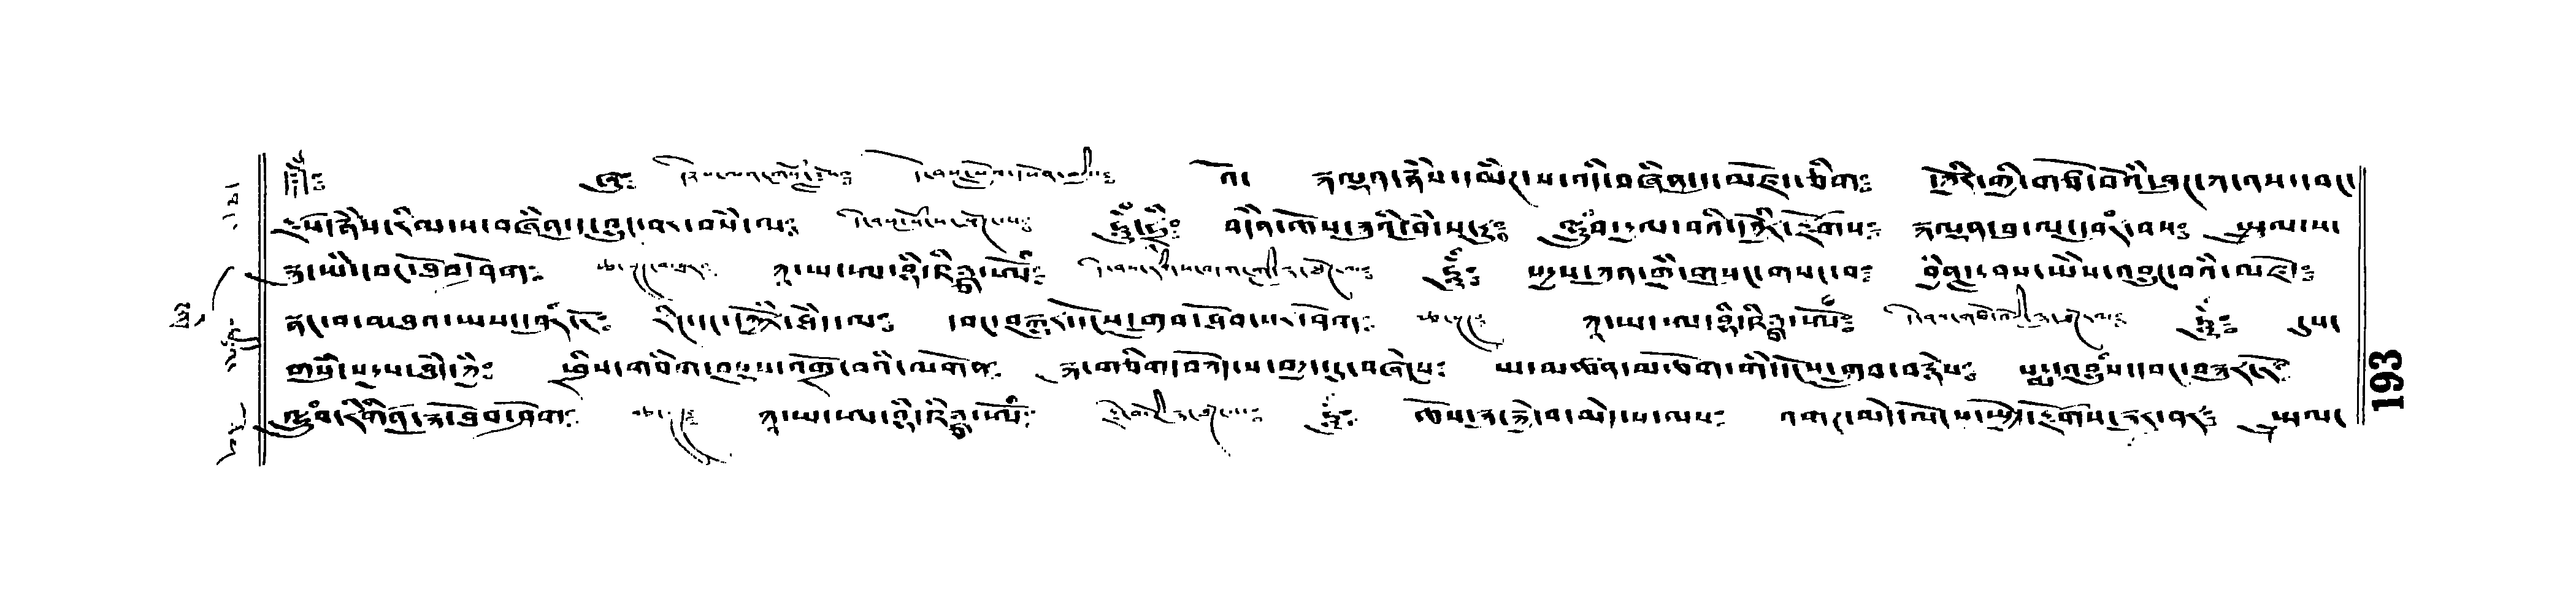ཞུ༔ ཞེས་ལན་གསུམ་ཟློས༔ དེ་ནས་སློབ་དཔོན་གྱིས༔ འོ༔ སྐལ་ལྡན་རྣམས་དམིགས་པ་འདི་བཞིན་དུ་མཛོད་ཅིག༔ དཀྱིལ་འཁོར་གྱི་གཙོ་བོའི་ཐུགས་ཀ་ནས་དབང་
རྫས་རྣམས་རིམ་པ་བཞིན་དུ་བྱུང་བར་བསམ་ལ༔ དེ་ནས་བུམ་པ་སོགས་ལ༔ ཧཱུྃྃ་ཧྲཱི༔ བདེ་ཆེན་ཆོས་སྐུའི་བུམ་པ་རུ༔ ལྷུན་གྲུབ་རྒྱལ་བའི་དཀྱིལ་འཁོར་རྫོགས༔ སྐལ་ལྡན་བུ་ལ་དབང་བསྐུར་བསཿ སྤྲུལ་པ་
སྐུ་ཡི་དབང་འཐོབ་ཤོག༔ རྩ་སྔགས་མཐར༔ ཀཱ་ཡ་ཨ་བྷི་རིཉྩ་ཨོཾ༔ དེ་ནས་རིགས་བདག་གི་སྐུ་ཐོགས་ལ༔ ཧཱུྃ༔ སངས་རྒྱས་ཀུན་གྱི་གསུང་གསང་བ༔ བྱིན་རླབས་ཡེ་ཤེས་འབྱུང་བའི་མཛོད༔ 
སྣང་བ་མཐའ་ཡས་དབང་བསྐུར་མར་རོ༔ རིགས་དང་དཀྱིལ་འཁོར་ཐམས་ཅད་ལ༔དབང་བསྒྱུར་དངོས་གྲུབ་འཐོབ་པར་ཤོག༔ རྩ་སྔགས༔ ཀཱ་ཡ་ཨ་བྷི་རིཉྩ་ཨོཾ༔ དེ་ནས་གཙོ་བོའི་སྐུ་ཐོགས་ལ༔ ཧཱུྃ༔ དུས་
གསུམ་སངས་རྒྱས་ཐམས་ཅད་ཀྱི༔ ཕྲིན་ལས་གཅིག་བསྡུས་འགྲོ་བའི་མགོན༔ སྐུ་གཅིག་བཀོད་པ་བརྒྱད་དུ་བཞེངས༔ ཡ་མཚན་མཆོག་གི་དངོས་གྲུབ་བརྙེས༔ པདྨ་འབྱུང་གནས་དབང་བསྐུར་རོ༔ 
ལྷུན་གྲུབ་རིག་འཛིན་སྐུ་འཐོབ་ཤོག༔ རྩ་སྔགས༔ ཀཱ་ཡ་ཨ་བྷི་རིཉྩ་ཨོཾ༔ རྗེ་མོའི་སྐུ་ཐོགས་ལ༔ ཧཱུྃ༔ ཆོས་སྐུ་སྐྱེ་བ་མེད་པ་ལས༔ འགག་མེད་ལོངས་སྤྱོད་རྫོགས་སྐུར་ཤར༔ སྤྲུལ་